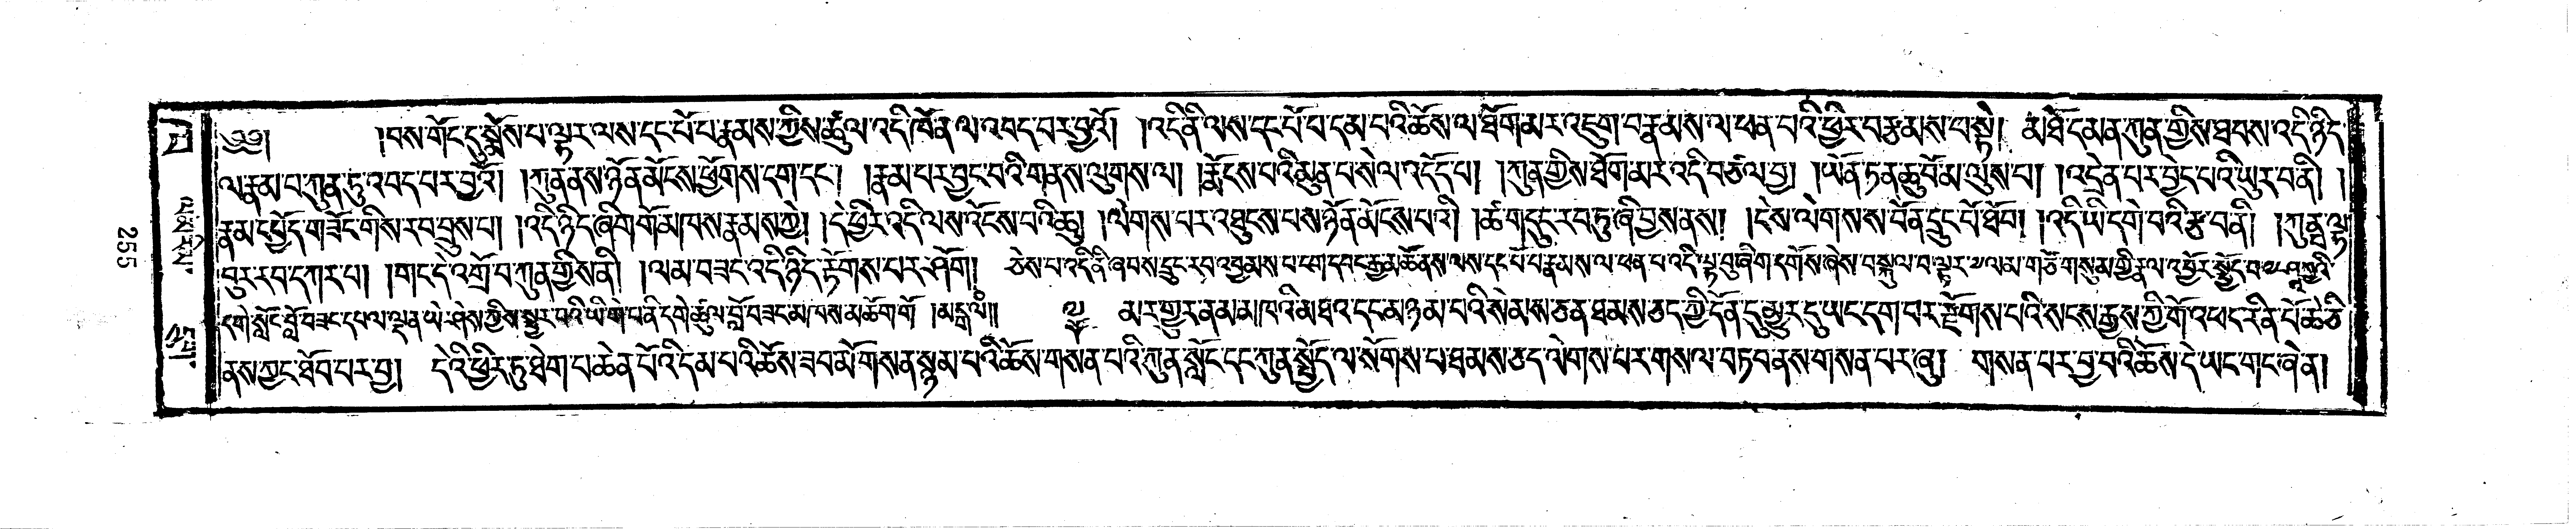༄༅། །བས་གོང་དུ་སྨོས་པ་ལྟར་ལས་དང་པོ་པ་རྣམས་ཀྱིས་ཚུལ་འདི་ཁོ་ན་ལ་འབད་པར་བྱའོ། །འདི་ནི་ལས་དང་པོ་པ་དམ་པའི་ཆོས་ལ་ཐོག་མར་འཇུག་བ་རྣམས་ལ་ཕན་པའི་ཕྱིར་བརྩམས་པ་སྟེ། མཐོ་དམན་ཀུན་གྱིས་ཐབས་འདི་ཉིད་
ལ་རྣམ་པ་ཀུན་ཏུ་འབད་པར་བྱའོ། །ཀུན་ནས་ཉོན་མོངས་ཕྱོགས་དག་དང་། །རྣམ་པར་བྱང་བའི་གནས་ལུགས་ལ། །རྨོངས་པའི་མུན་པ་སེལ་འདོད་པ། །ཀུན་གྱིས་ཐོག་མར་འདི་བཙལ་བྱ། །ཡོན་ཏན་ཆུ་བོ་མ་ལུས་པ། །འདྲེན་པར་བྱེད་པའི་ཡུར་བ་ནི། །
རྣམ་དཔྱོད་གཟོང་གིས་རབ་བྲུས་པ། །འདི་ཉིད་ཞིག་གོ་མཁས་རྣམས་ཀྱེ། །དེ་ཕྱིར་འདི་ལས་འོངས་པའི་ཆུ། །ལེགས་པར་འཐུངས་པས་ཉོན་མོངས་པའི། །ཚ་གདུང་རབ་ཏུ་ཞི་བྱས་ནས། །ངེས་ལེགས་ས་བོན་དྲུང་པོ་ཐོབ། །འདི་ཡི་དགེ་བའི་རྩ་བ་ནི། །ཀུན་བ་ལྟ་
བུར་རབ་དཀར་པ། །གང་དེ་འགྲོ་བ་ཀུན་གྱིས་ནི། །ལམ་བཟང་འདི་ཉིད་རྟོགས་པར་ཤོག །ཅེས་པ་འདི་ནི་ཞབས་དྲུང་རབ་འབྱམས་པ་ངག་དབང་རྒྱ་མཚོ་ནས་ལས་དང་པོ་བ་རྣམས་ལ་ཕན་པ་འདི་ལྟ་བུ་ཞིག་དགོས་ཞེས་བསྐུལ་བ་ལྟར་༈ ལམ་གཙོ་གསུམ་གྱི་རྣལ་འབྱོར་སྦྱོད་བ་༧་ཤཱཀྱའི་
དགེ་སློང་བློ་བཟང་དཔལ་ལྡན་ཡེ་ཤེས་ཀྱིས་སྦྱར་བའི་ཡི་གེ་པ་ནི་དགེ་ཚུལ་བློ་བཟང་མཁས་མཆོག་གོ །མངྒ་ལཾ།། ༈ མར་གྱུར་ནམ་མཁའི་མཐའ་དང་མཉམ་པའི་སེམས་ཅན་ཐམས་ཅད་ཀྱི་དོན་དུ་མྱུར་དུ་ཡང་དག་པར་རྫོགས་པའི་སངས་རྒྱས་ཀྱི་གོ་འཕང་རིན་པོ་ཆེ་ཅི་
ནས་ཀྱང་ཐོབ་པར་བྱ། དེའི་ཕྱིར་ཏུ་ཐེག་པ་ཆེན་པོའི་དམ་པའི་ཆོས་ཟབ་མོ་གསན་སྙམ་པའི་ཆོས་གསན་པའི་ཀུན་སློང་དང་ཀུན་སྦྱོད་ལ་སོགས་པ་ཐམས་ཅད་ལེགས་པར་གསལ་བཏབ་ནས་གསན་པར་ཞུ། གསན་པར་བྱ་བའི་ཆོས་དེ་ཡང་གང་ཞེ་ན།